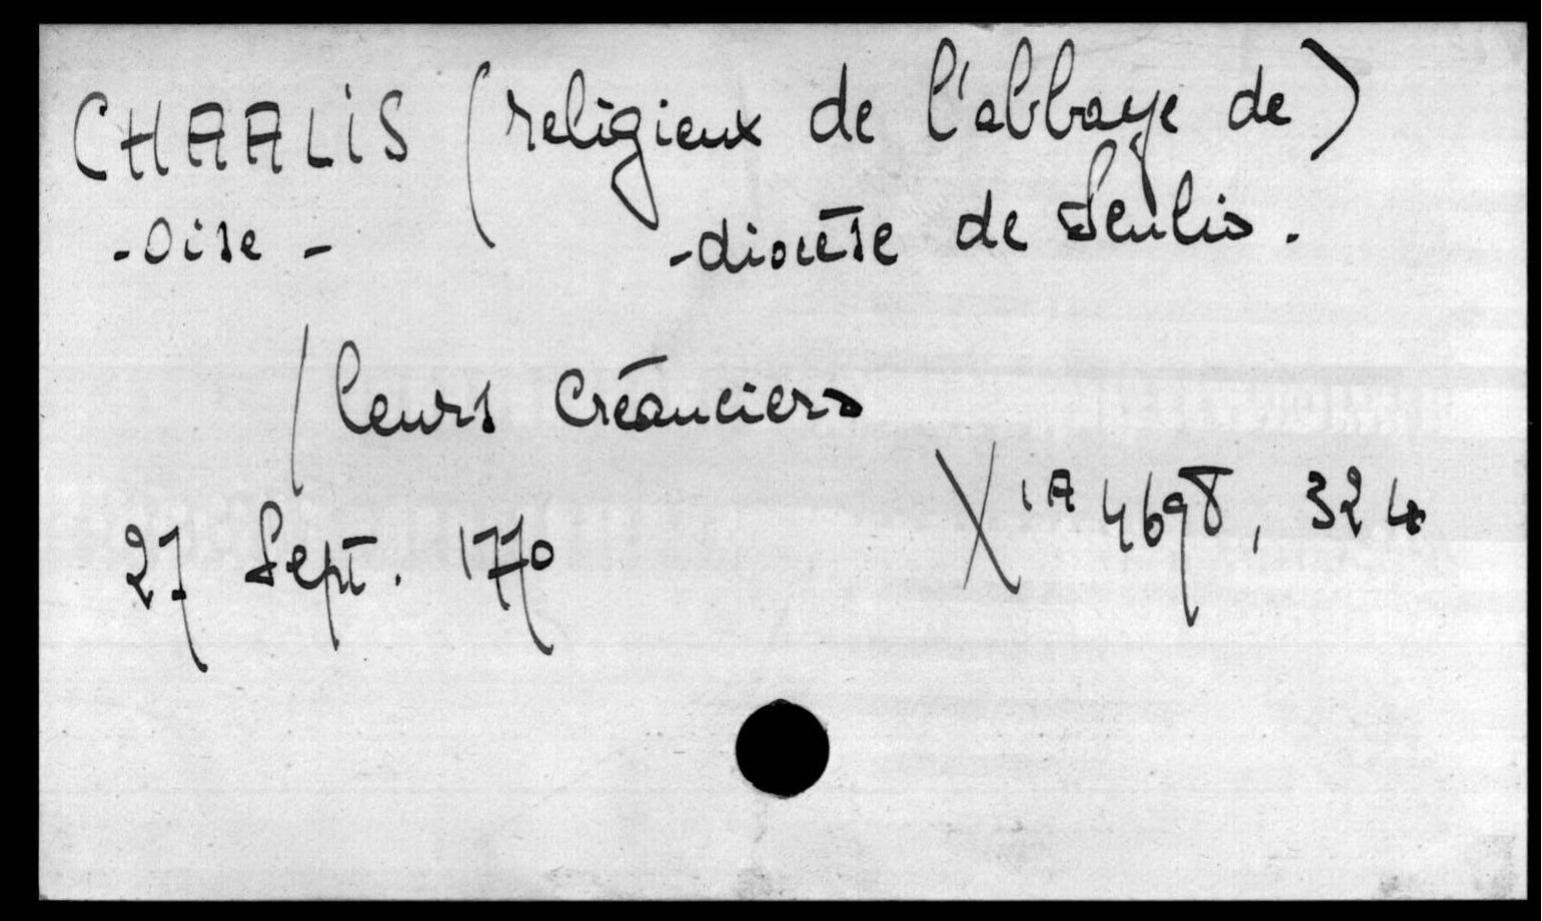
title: CHAALIS (religieux de l'abbaye de) - Oise diocèse de Senlis.
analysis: Contre leurs Créanciers
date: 27 septembre 1770
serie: X1A
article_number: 4698
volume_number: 324
